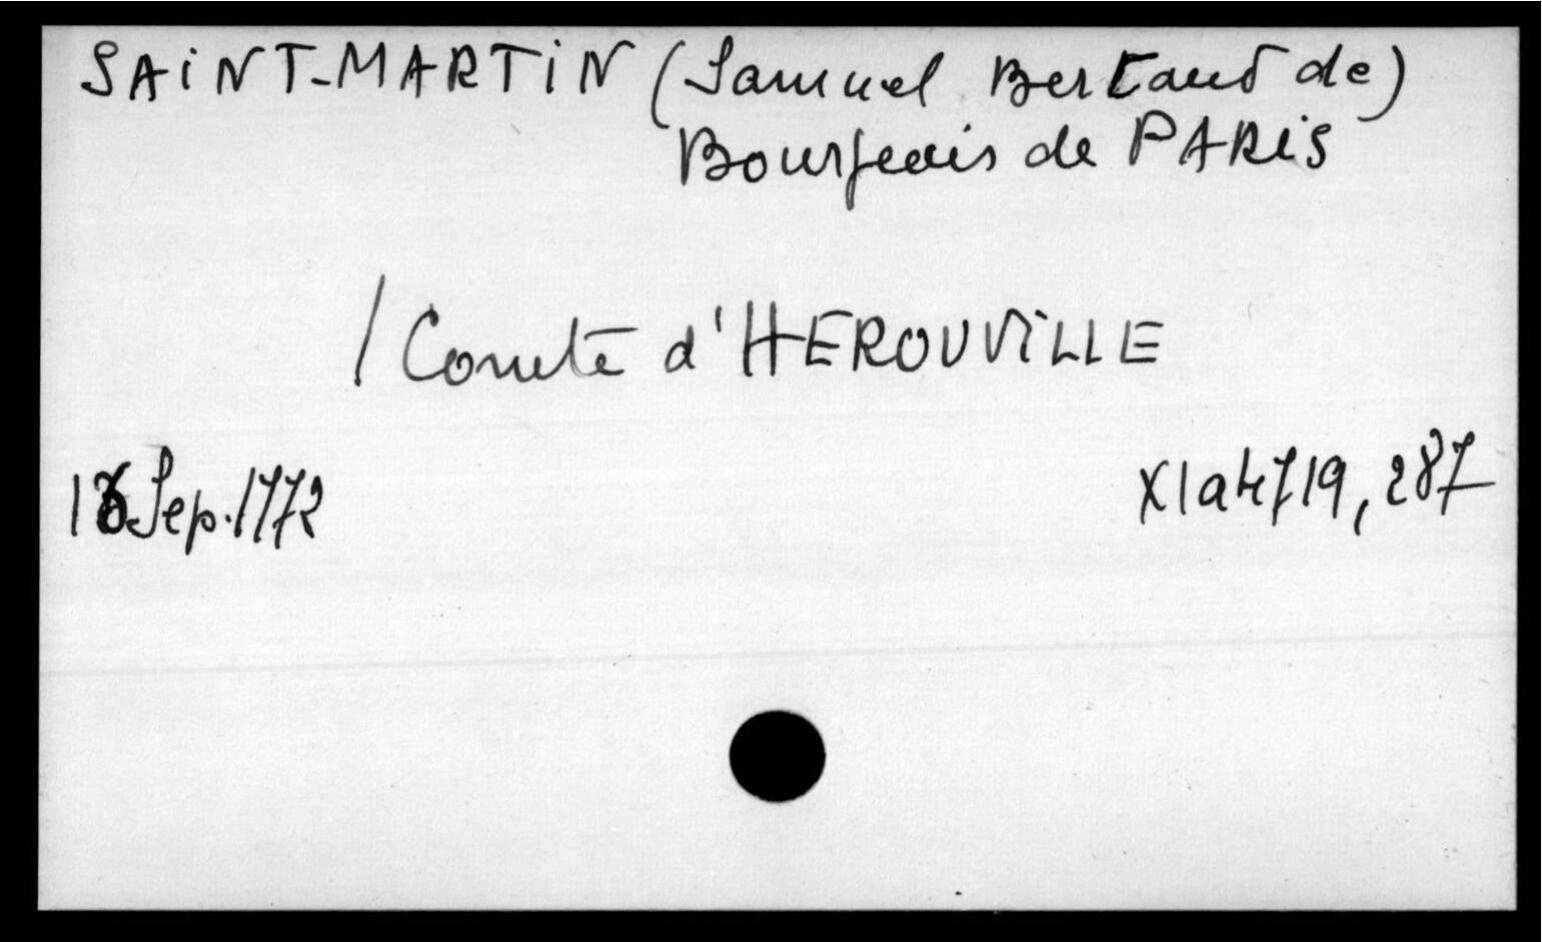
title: SAINT-MARTIN (Samuel Bertaud de) Bourgeois de Paris
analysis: Contre Comte d'HEROUVILLE
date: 16 septembre 1772
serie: X1a
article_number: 4719
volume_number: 287
